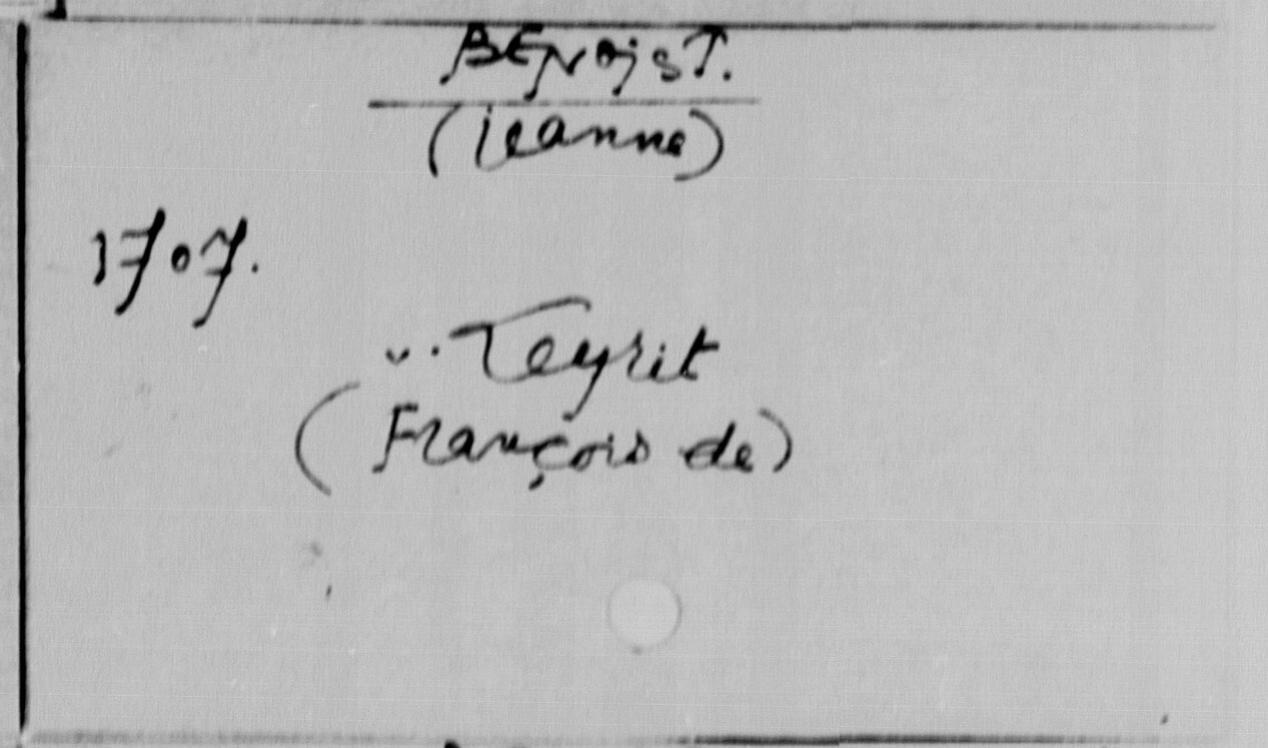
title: BENOIST (Jeanne)
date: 1707
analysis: Voir : Leyrit (François de)
